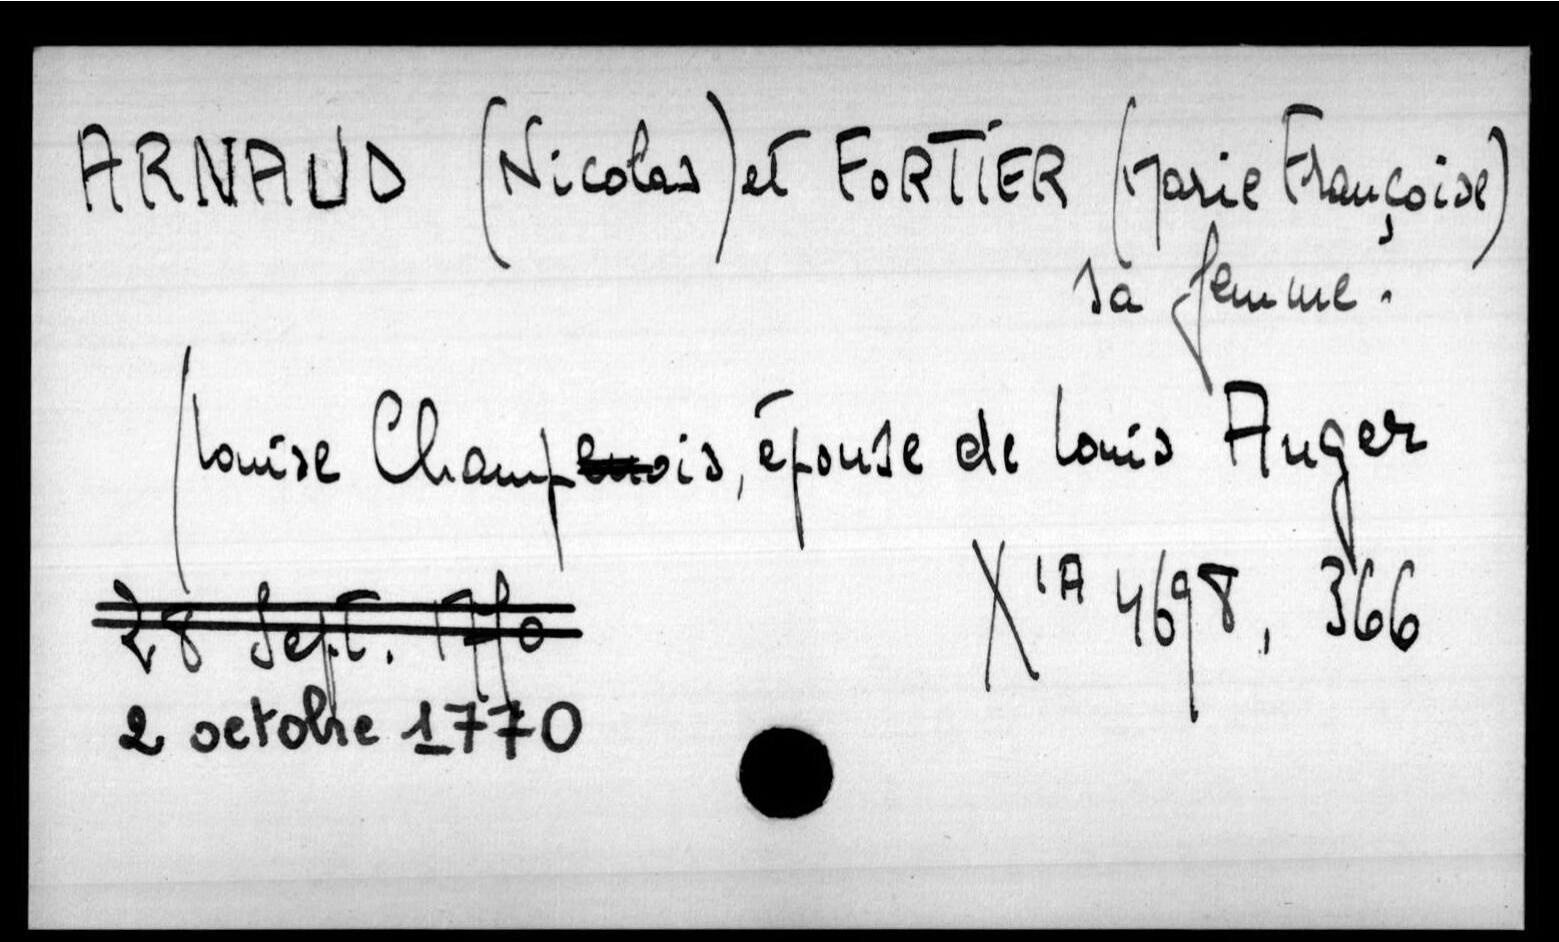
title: ARNAUD (Nicolas) et FORTIER (Marie Françoise) sa femme
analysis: Contre Louise Champenois, épouse de Louis Auger
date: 2 octobre 1770
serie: X1A
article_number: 4698
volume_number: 366
